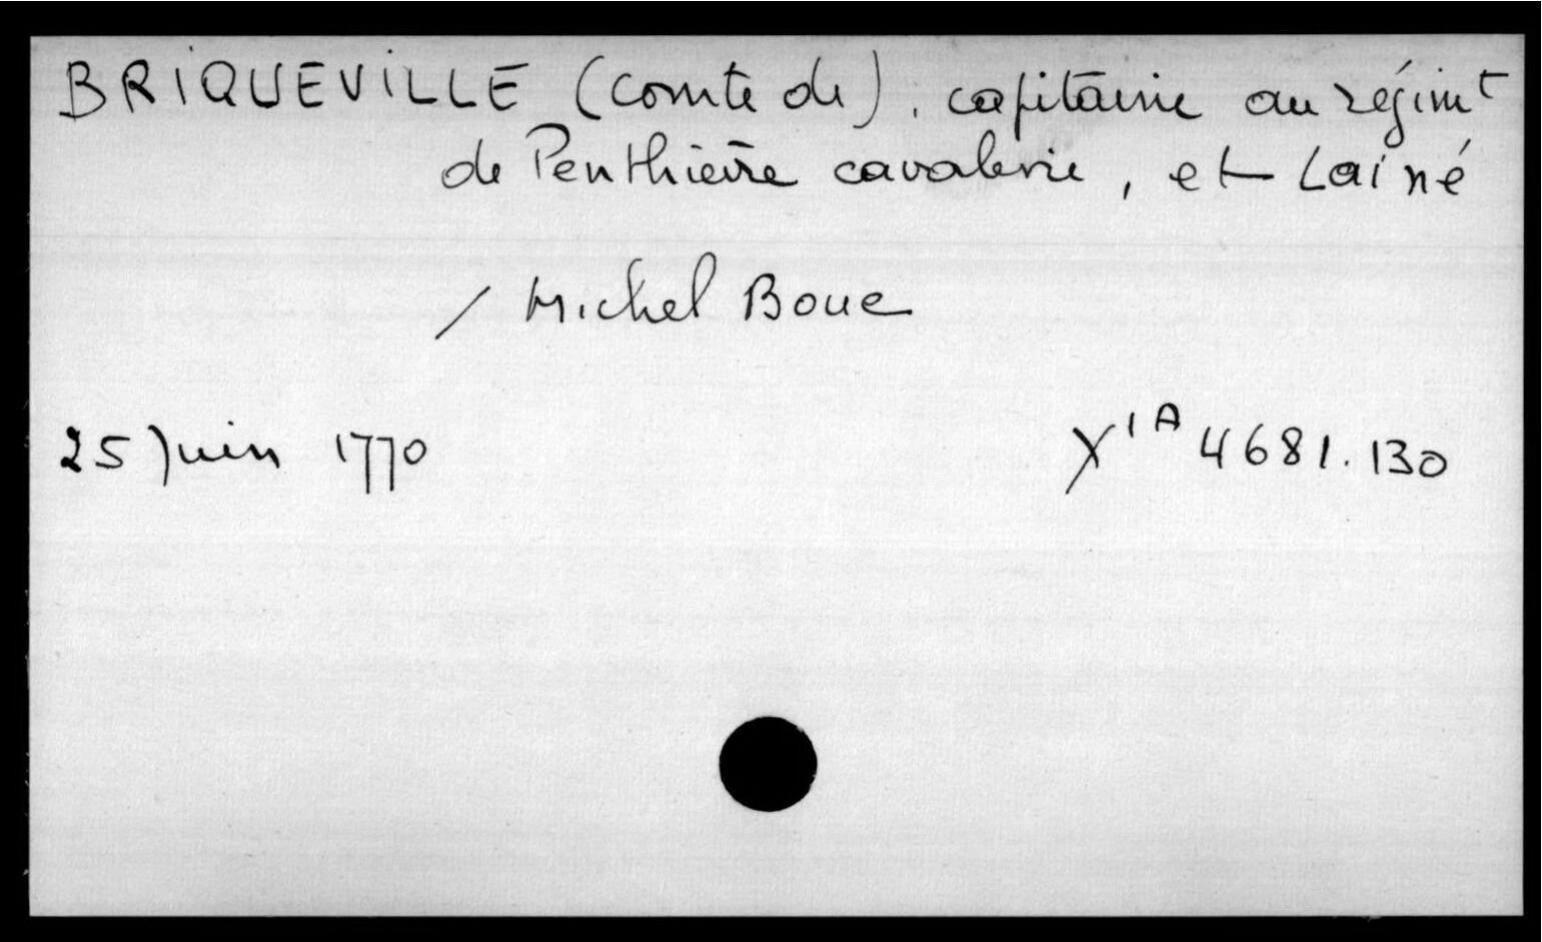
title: BRIQUEVILLE (comte de), capitaine au régiment de Penthièvre cavalerie, et Lainé
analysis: Contre Michel Boue
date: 25 juin 1770
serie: X1A
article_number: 4681
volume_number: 130
